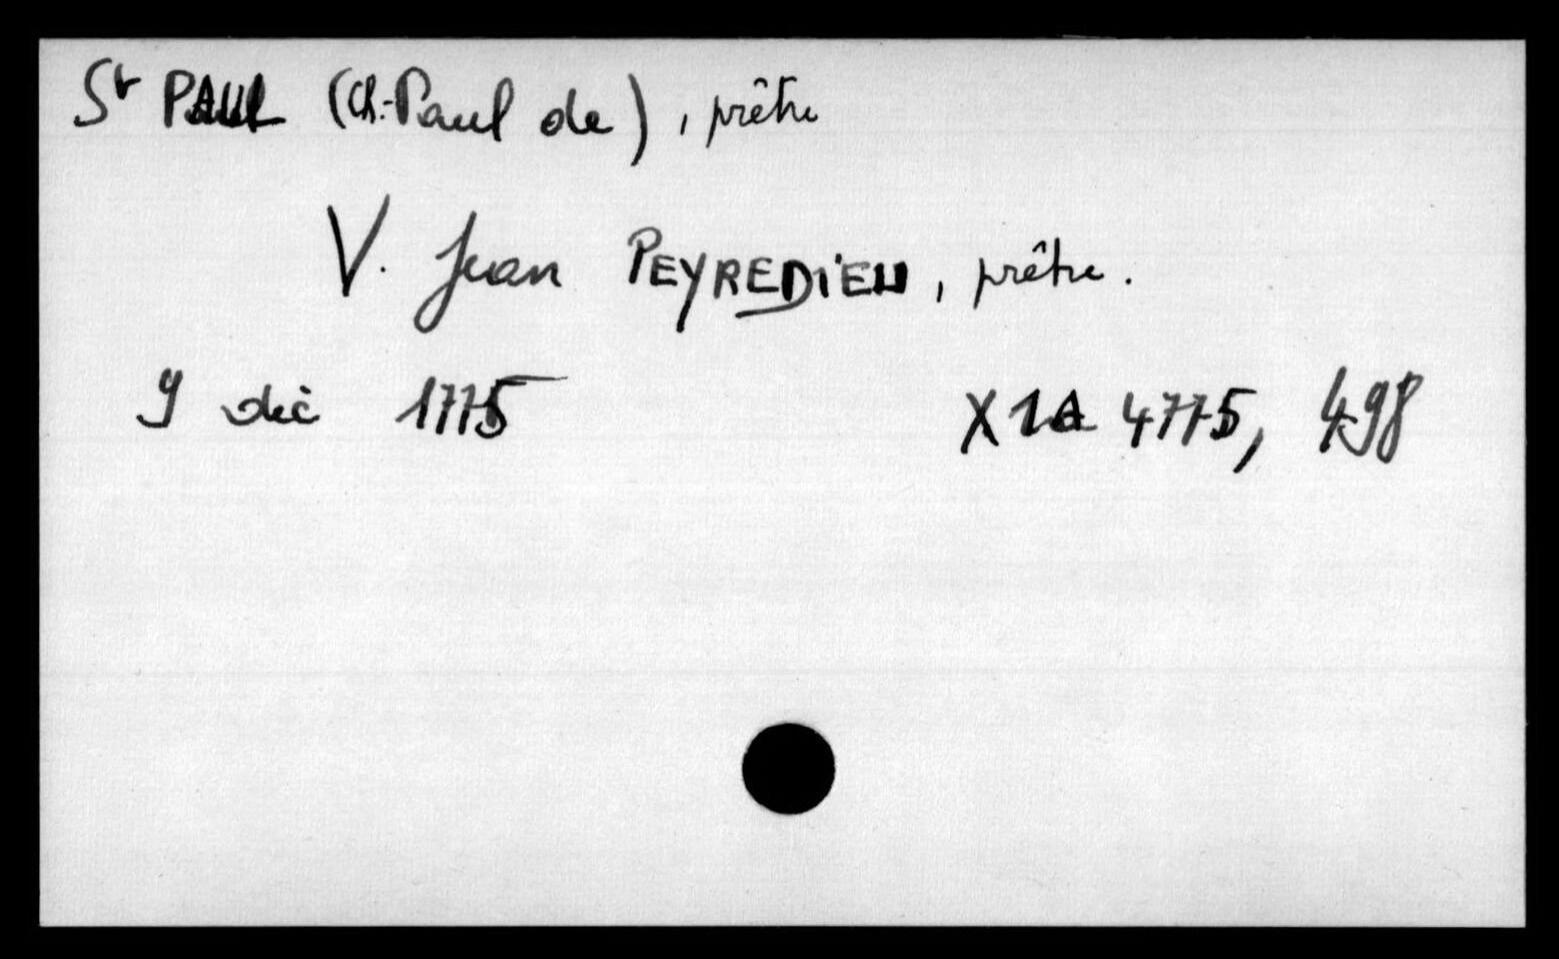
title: SAINT PAUL (Ch. Paul de), prêtre
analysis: Voir : Jean PEYREDIEU, prêtre
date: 9 décembre 1775
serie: X1A
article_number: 4775
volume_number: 498
